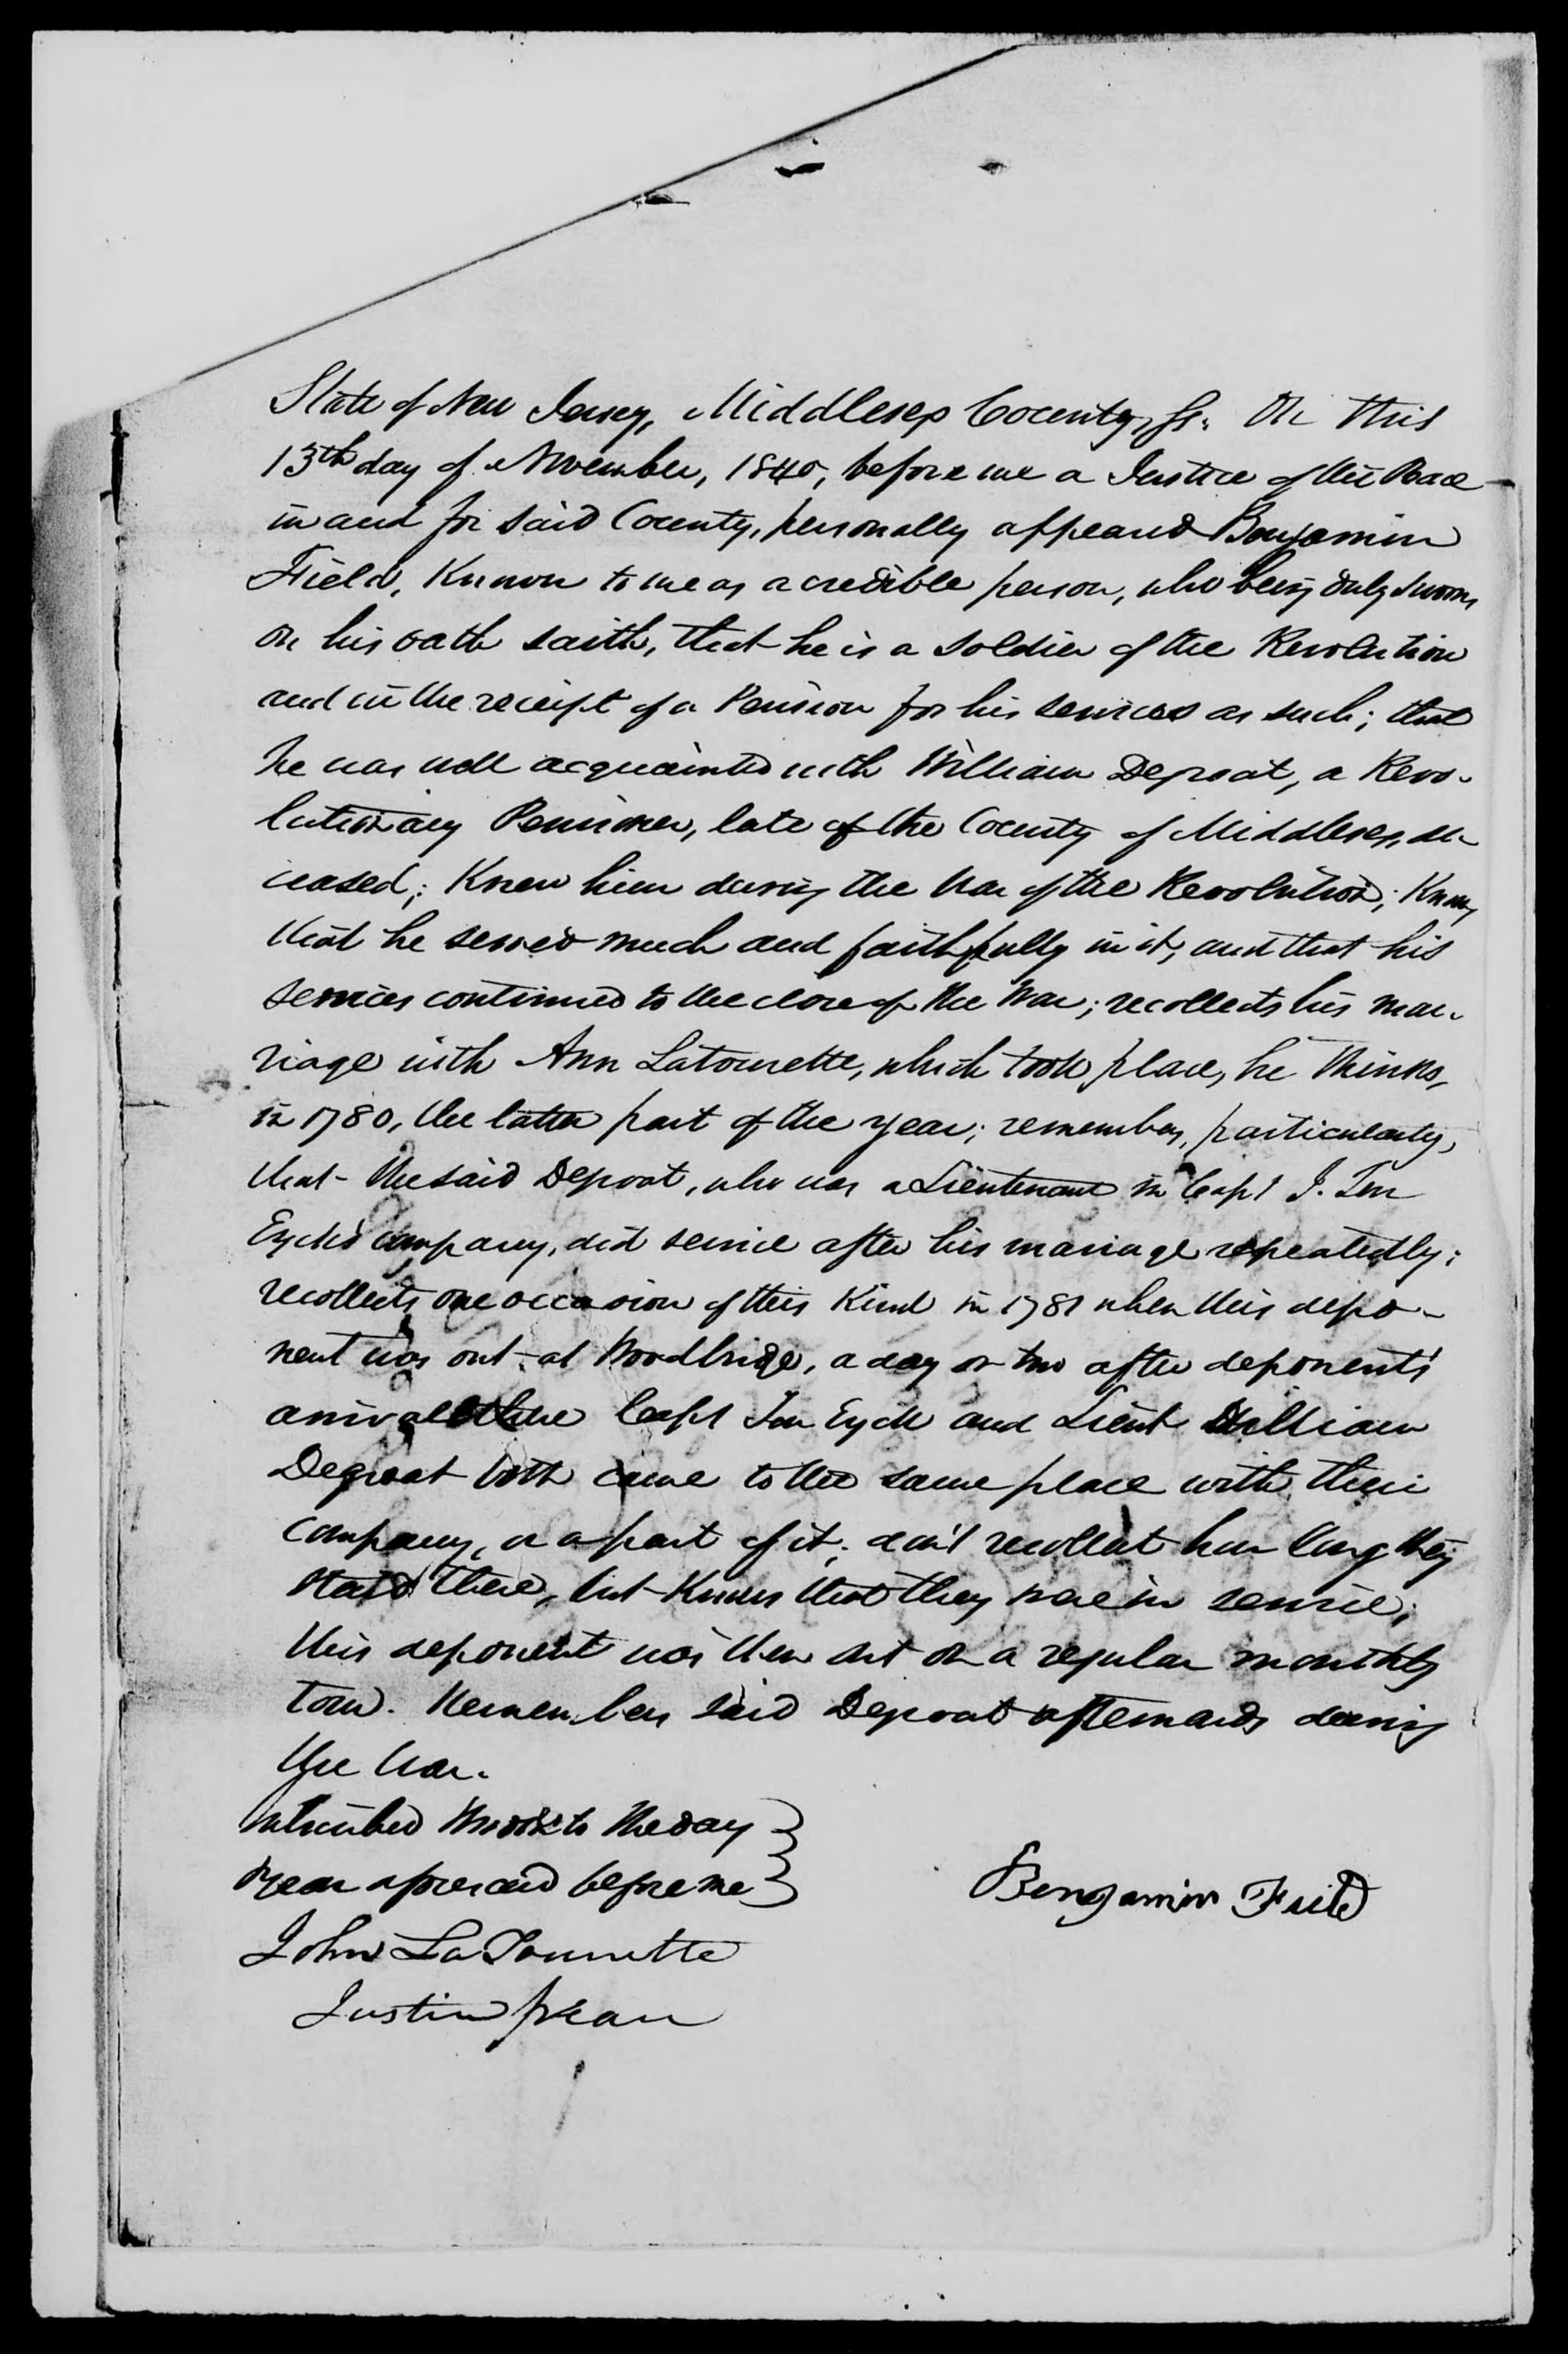State of New Jersey;, Middlesex County Ss: On this 13th day of November, 1840, before me a Justice of the Peace in and for said County personally appeared Benjamin Field, known to me as a credible person, who being duly sworn, on his oath saith, that he is a soldier of the Revolution and in the receipt of a pension for his services as such; that he was well acquainted with William Degroot, a Revolutionary Pensioner, late of the County of Middlesex, deceased; knew him during the war of the Revolution, knowing that he served much and faithfully in it, and that his services continued to the close of the war; recollects his marriage with Ann Latourette, which took place, he thinks in 1780, the latter part of the year; remembers particularly, that the said Degroot, who was a Lieutenant in Capt. J. Ten Eyck's company and did service after his marriage repeatedly; recollects one occasion of this kind in 1781 when this deponent was out at Woodbridge a day or two after deponent's arrival there Capt Ten Eyck and Lleut William Degroot both came to the same place with their company or a part of it; don't recollect how long they stayed there, but knows that they were in service, this deponent was then out on a regular monthly tour. Remember said deponent afterwards during the war. 
Benjamin Field
Inscribed [illeg] to the day +
year aforesaid before me}
John LaTourette
Justice peace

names: John La Tourrette, William Degroat, Ann Latourette, Ten Eyck, Benjamin Field, Benjamin Field, William Degroat, Degroat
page: 48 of 77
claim: widow's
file: W. 417, William De Groot, New Jersey